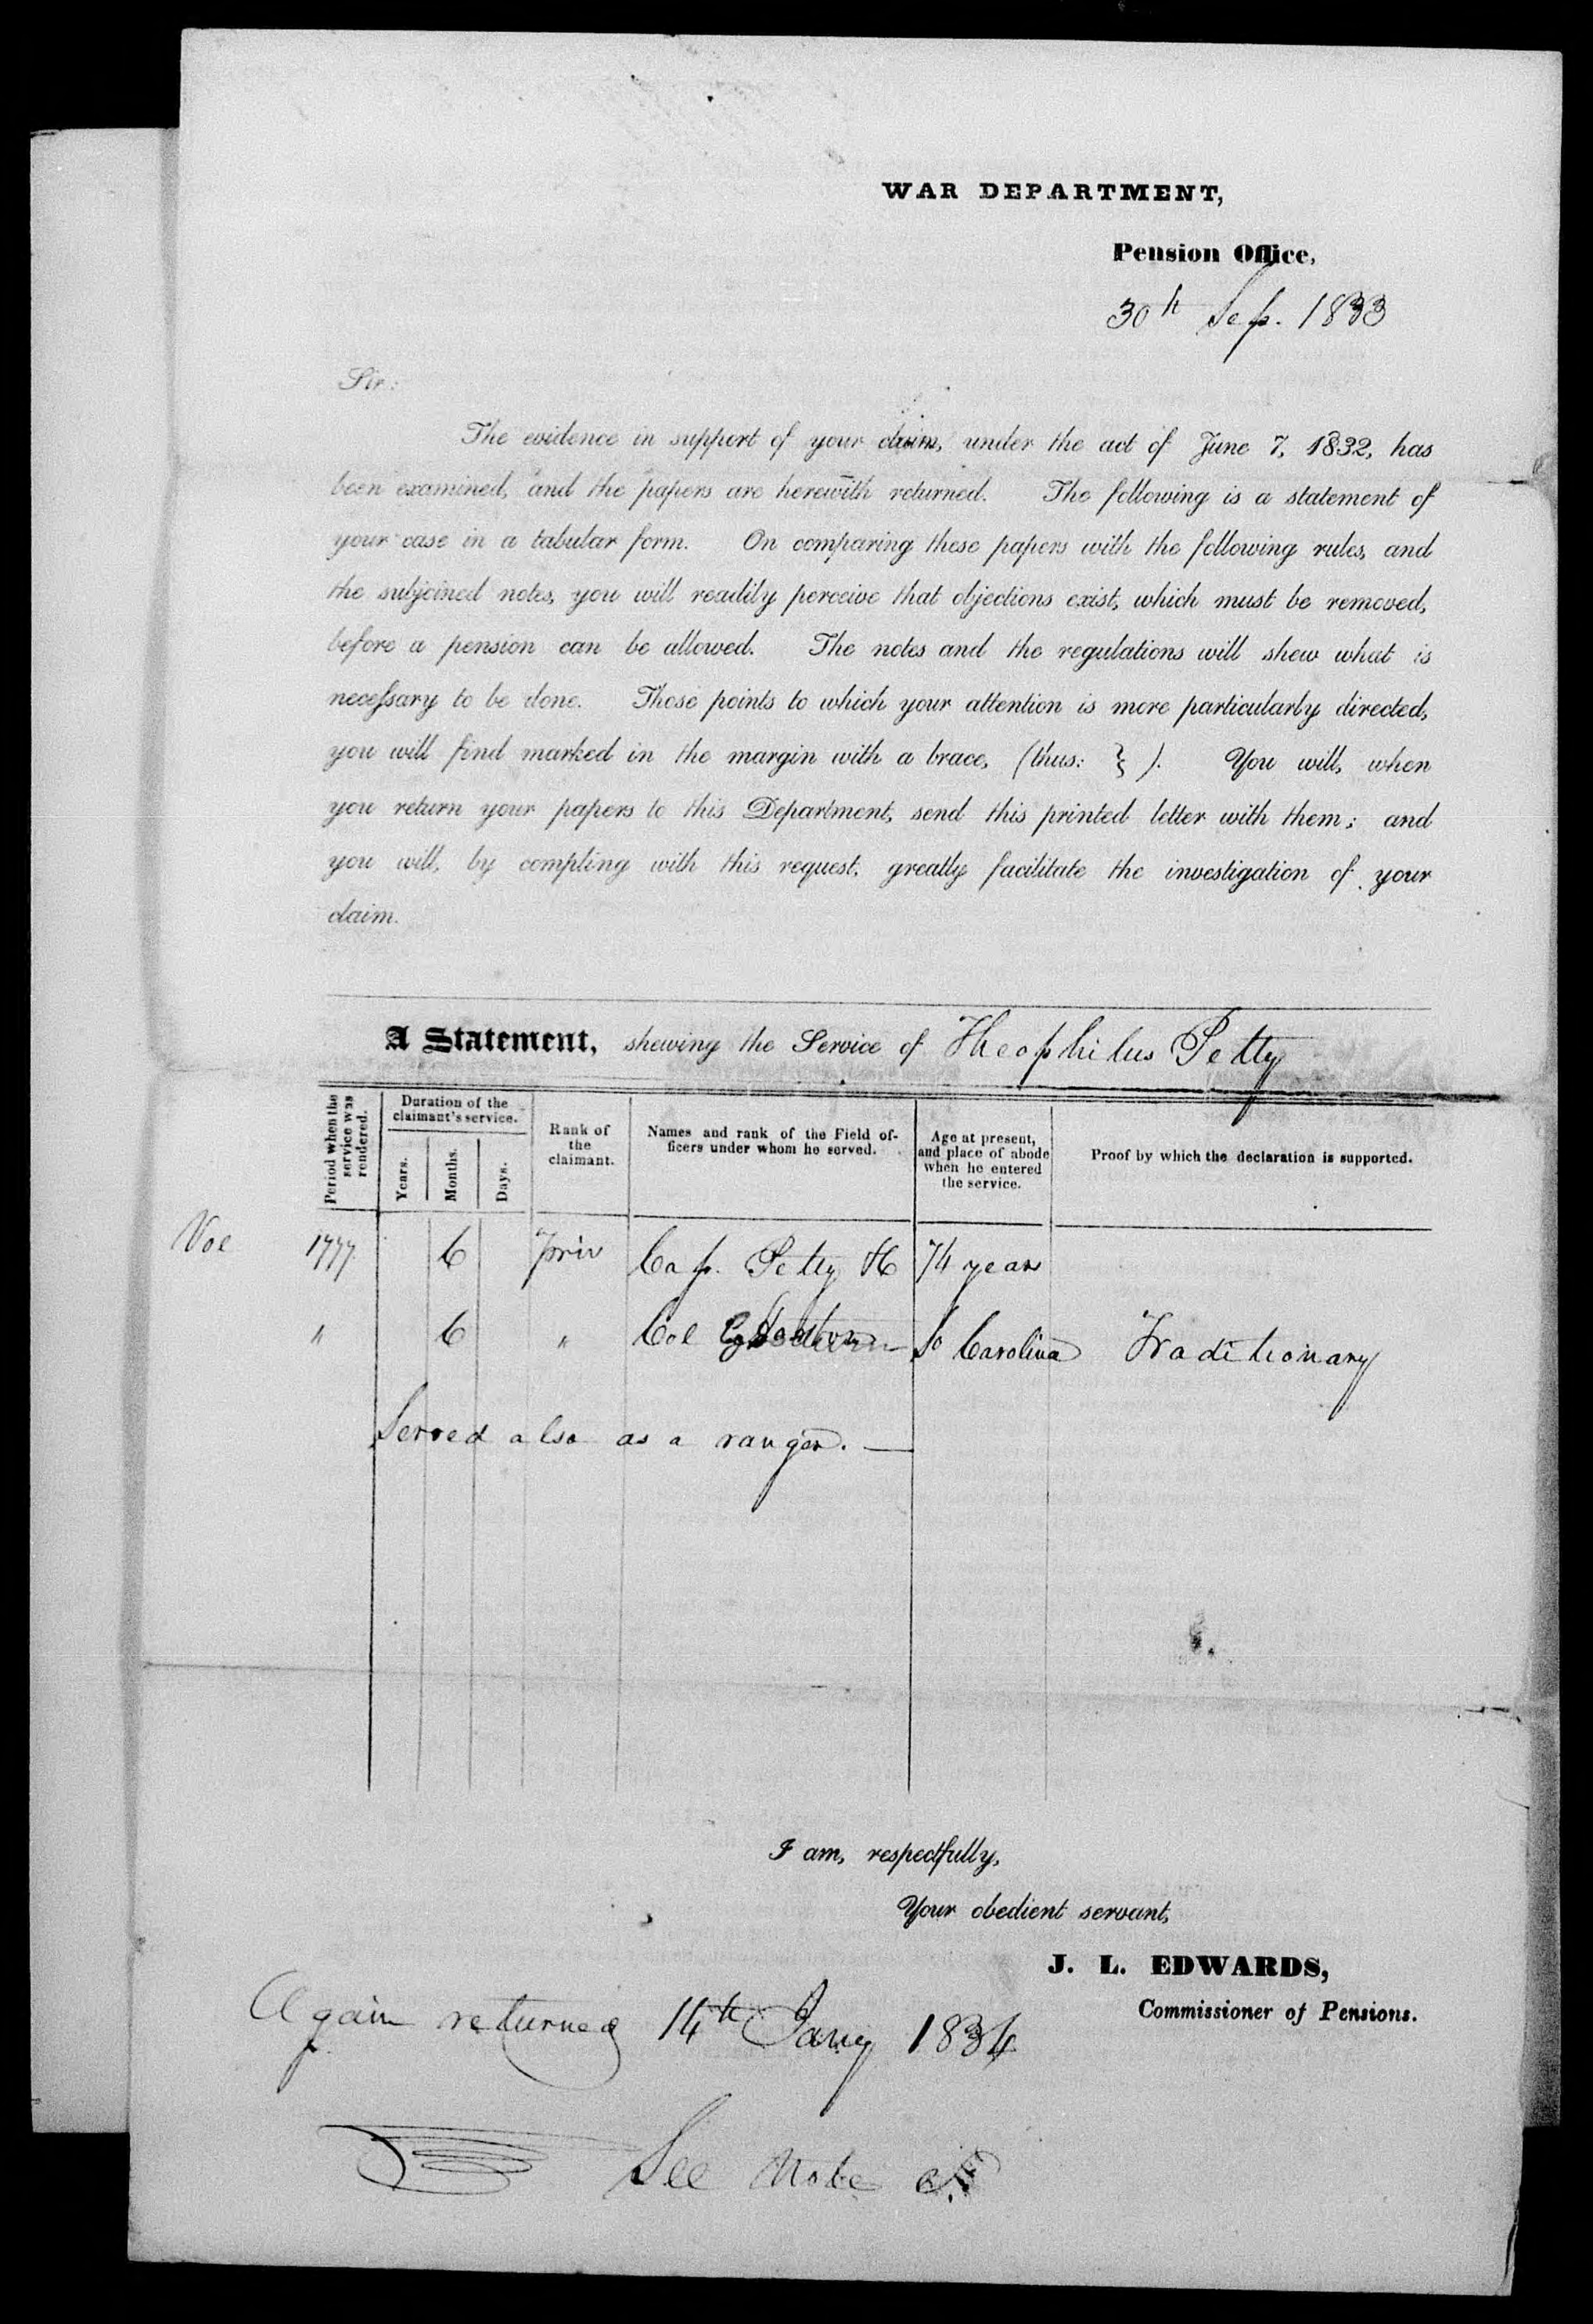WAR DEPARTMENT
Pension Office
30th Sep 1833
Sir
The evidence in support of your claim, under the act of June 7, 1832, has been examined, and the papers are herewith returned. The following is a statement of your case in a tabular form. On comparing these papers with the following rules, and the subjoined notes, you will readily perceive that objections exist, which must be removed before a pension can be allowed. The notes and the regulations will show what is necessary to be done. Those points to which your attention is more particularly directed, you will find marked in the margin with a brace, (thus}). You will when you return your papers to this Department, send this printed letter with them; and you will, by complying with this request, greatly facilitate the investigation of your claim.
A Statement, shewing the Service of Theophilus Petty

Period when the service was rendered 
Vol 1777
"
Duration of the claimants service Years/months/days
6 months
6 months
 Rank of the claimant 
priv
"
Names and rank of the Field officers under whom he served 
Capt Petey H
Col Goodwin
Age at present and place of above when he entered the service 
74 years
So Carolina
Proof by which the declaration is supported.
Traditionary

Served also as a ranger

I am respectfully,
Your obedient servant,
JAMES L EDWARDS
Commissioner of Pensions
Again returning 14th Jany 1834
See note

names: [BLANK] Goodwin; Theophilus Petty; J L Edwards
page: 3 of 26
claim: rejected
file: R. 8,161, for Theophilus Petty, South Carolina